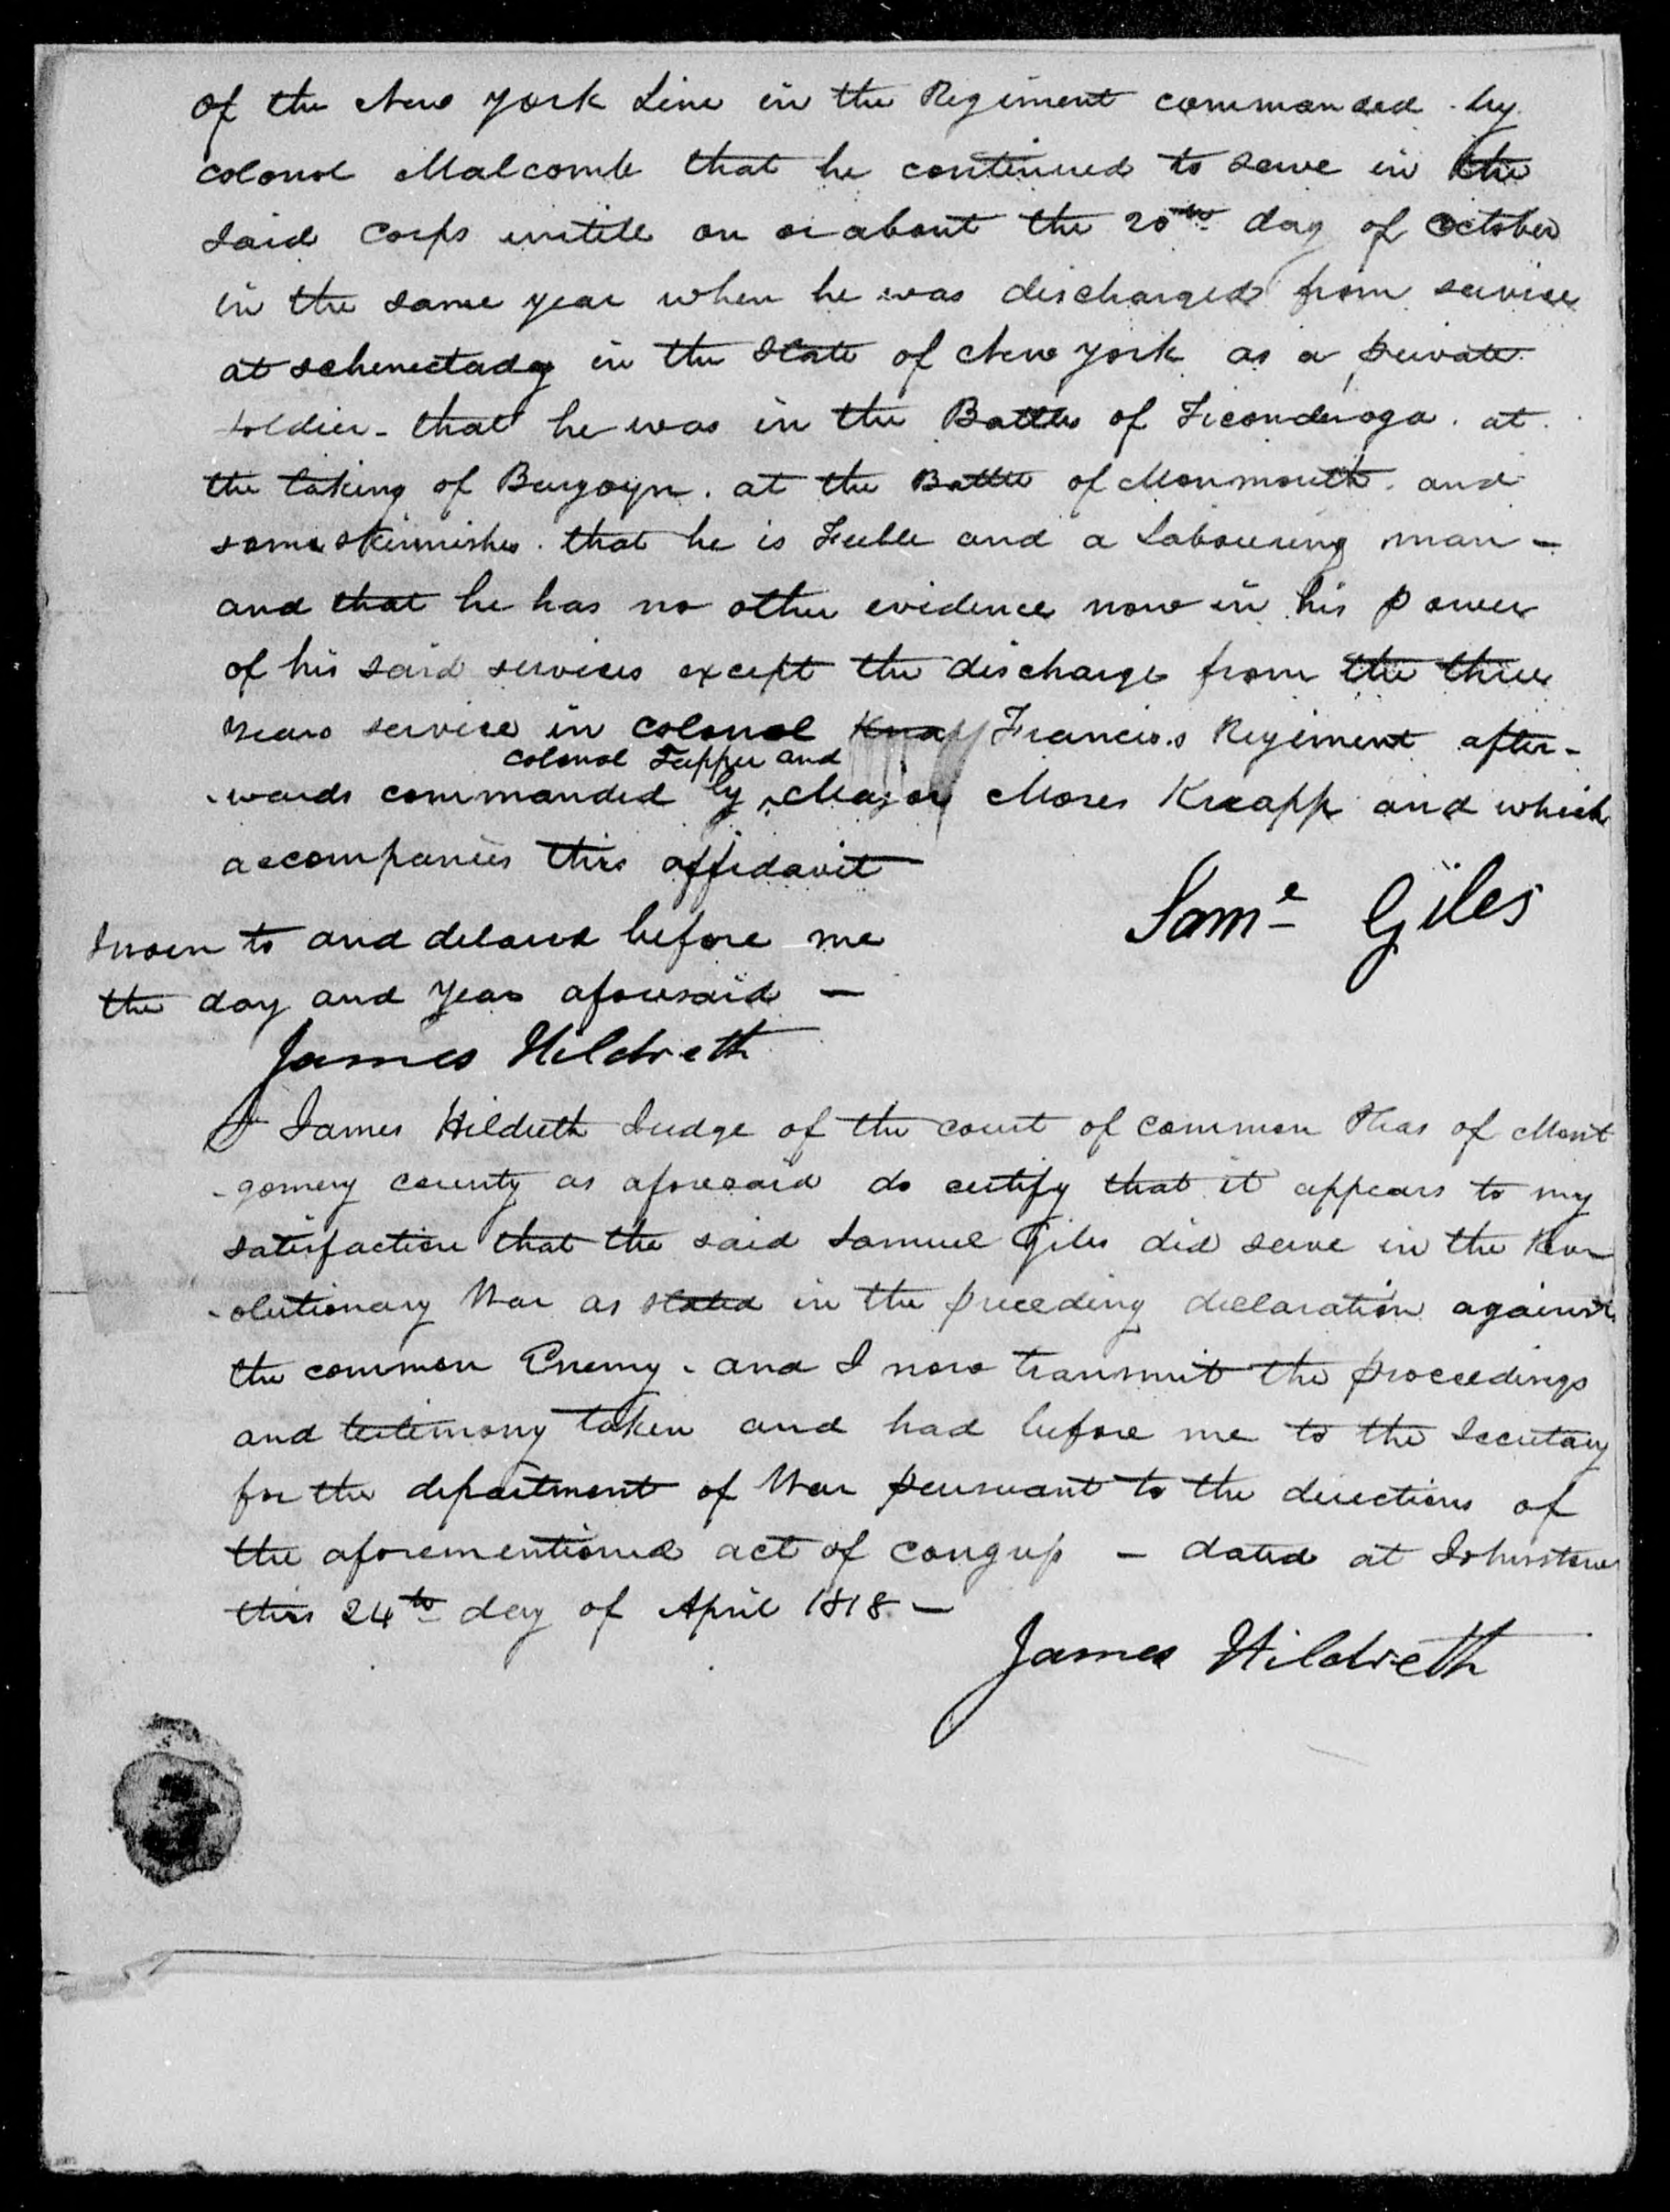of the New York Line in the Regiment commanded by Colonol [Colonel] Malcomb that he continued to serve in the
said corps until on or about the 20th day of October in the same year when he was discharged from service at schenectady in the state of New York as a private soldier. That he was in the Battle of Ticonderoga, at the taking of Burgoyne, at the Battle of Monmouth, 
and some skirmishes, that he is a F [illegible, possibly Fuller?] and a Labouring man-
and that he has no other evidence now in his power of his said services except the discharge from the three years service in colonol [colonel] [crossed out Hona] Francis' Regiment afterwards commanded by [name inserted above line] Colonol [colonel] Tupper and Major Moses Knapp and which accompanies this affidavit known to and declared before me the day and year aforesaid. --
James Hildreth
[To the right of Judge Hildreth's signature is Samuel Giles' signature with an abbreviation for Samuel.]
Sam-e Giles
[Directly beneath Judge Hildreth's signature is written, in a smaller script, the following:]
James Hildreth Judge of the Court of Common Law of Montgomery Country as aforesaid do certify that it appears to my satisfaction that the said Samuel Giles did serve in the Revolutionary War as stated in the preceding declaration against the common Enemy and I now transmit the proceedings and testimony taken and had before me to the Secretary
for the department of War pursuant to the directions of the  of the aforementioned act of congress - dated at Johnstown  
this 24th day of April 1818. --
James Hildreth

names: Tupper, Samuel Giles, James Hildreth, Saml Giles, Malcomb, Moses Knapp, James Hildreth, James Hildreth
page: 5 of 55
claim: widow's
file: W. 19503, Samuel Giles, Conti. Mass. New York